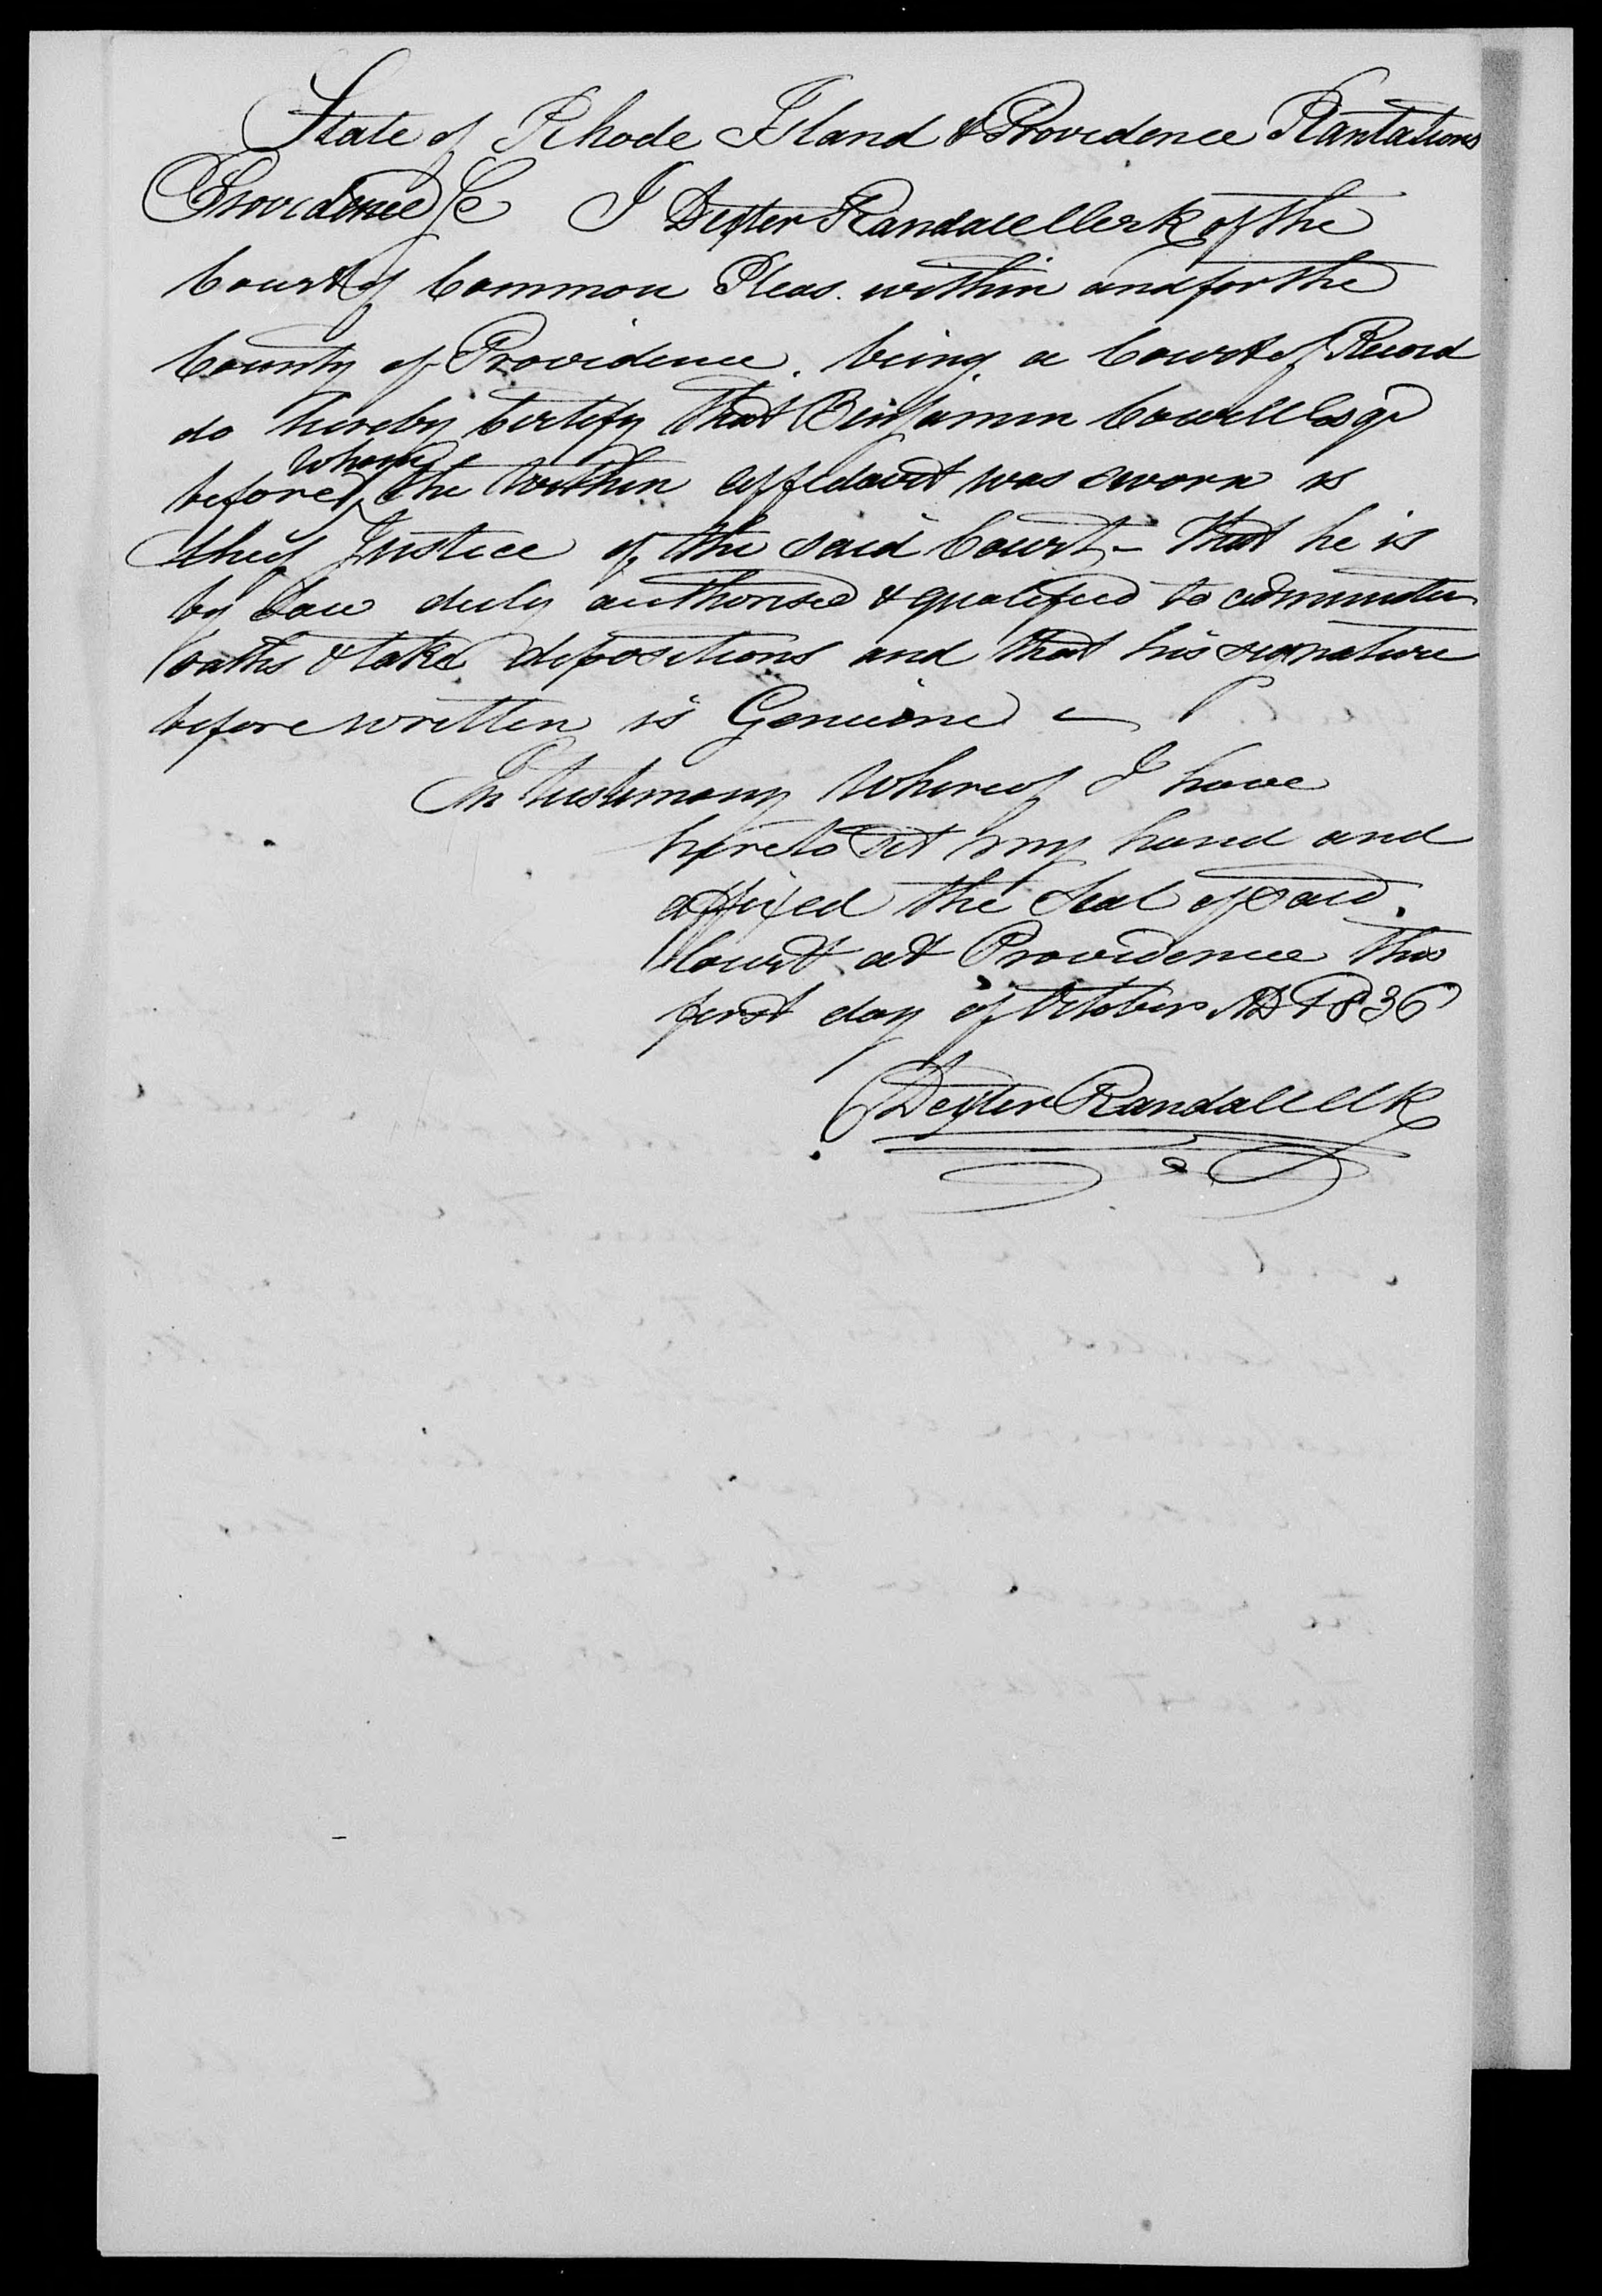State of Rhode Island & Providence Plantations
Providence }   I Dexter Randall Clerk of the County of Common Pleas withing and for the County of Providence being a Court Record do hereby certify that Benjamin Cowell , Esq. before whose the within affidavit was sworn is Chief Justice of the said  Court - that he is by law duty authorized & qualified to administer oaths and take dispositions and that his signature before written is genuine

In testimony whereof I have
hereunto my hand and 
affixed the seal aforesaid
Court at Providence this
first day of October AD 1836

Dexter Randall, Clk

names: Benjamin Cowell; Dexter Randall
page: 40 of 40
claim: widow's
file: W. 16058, for George Potter, Rhode Island